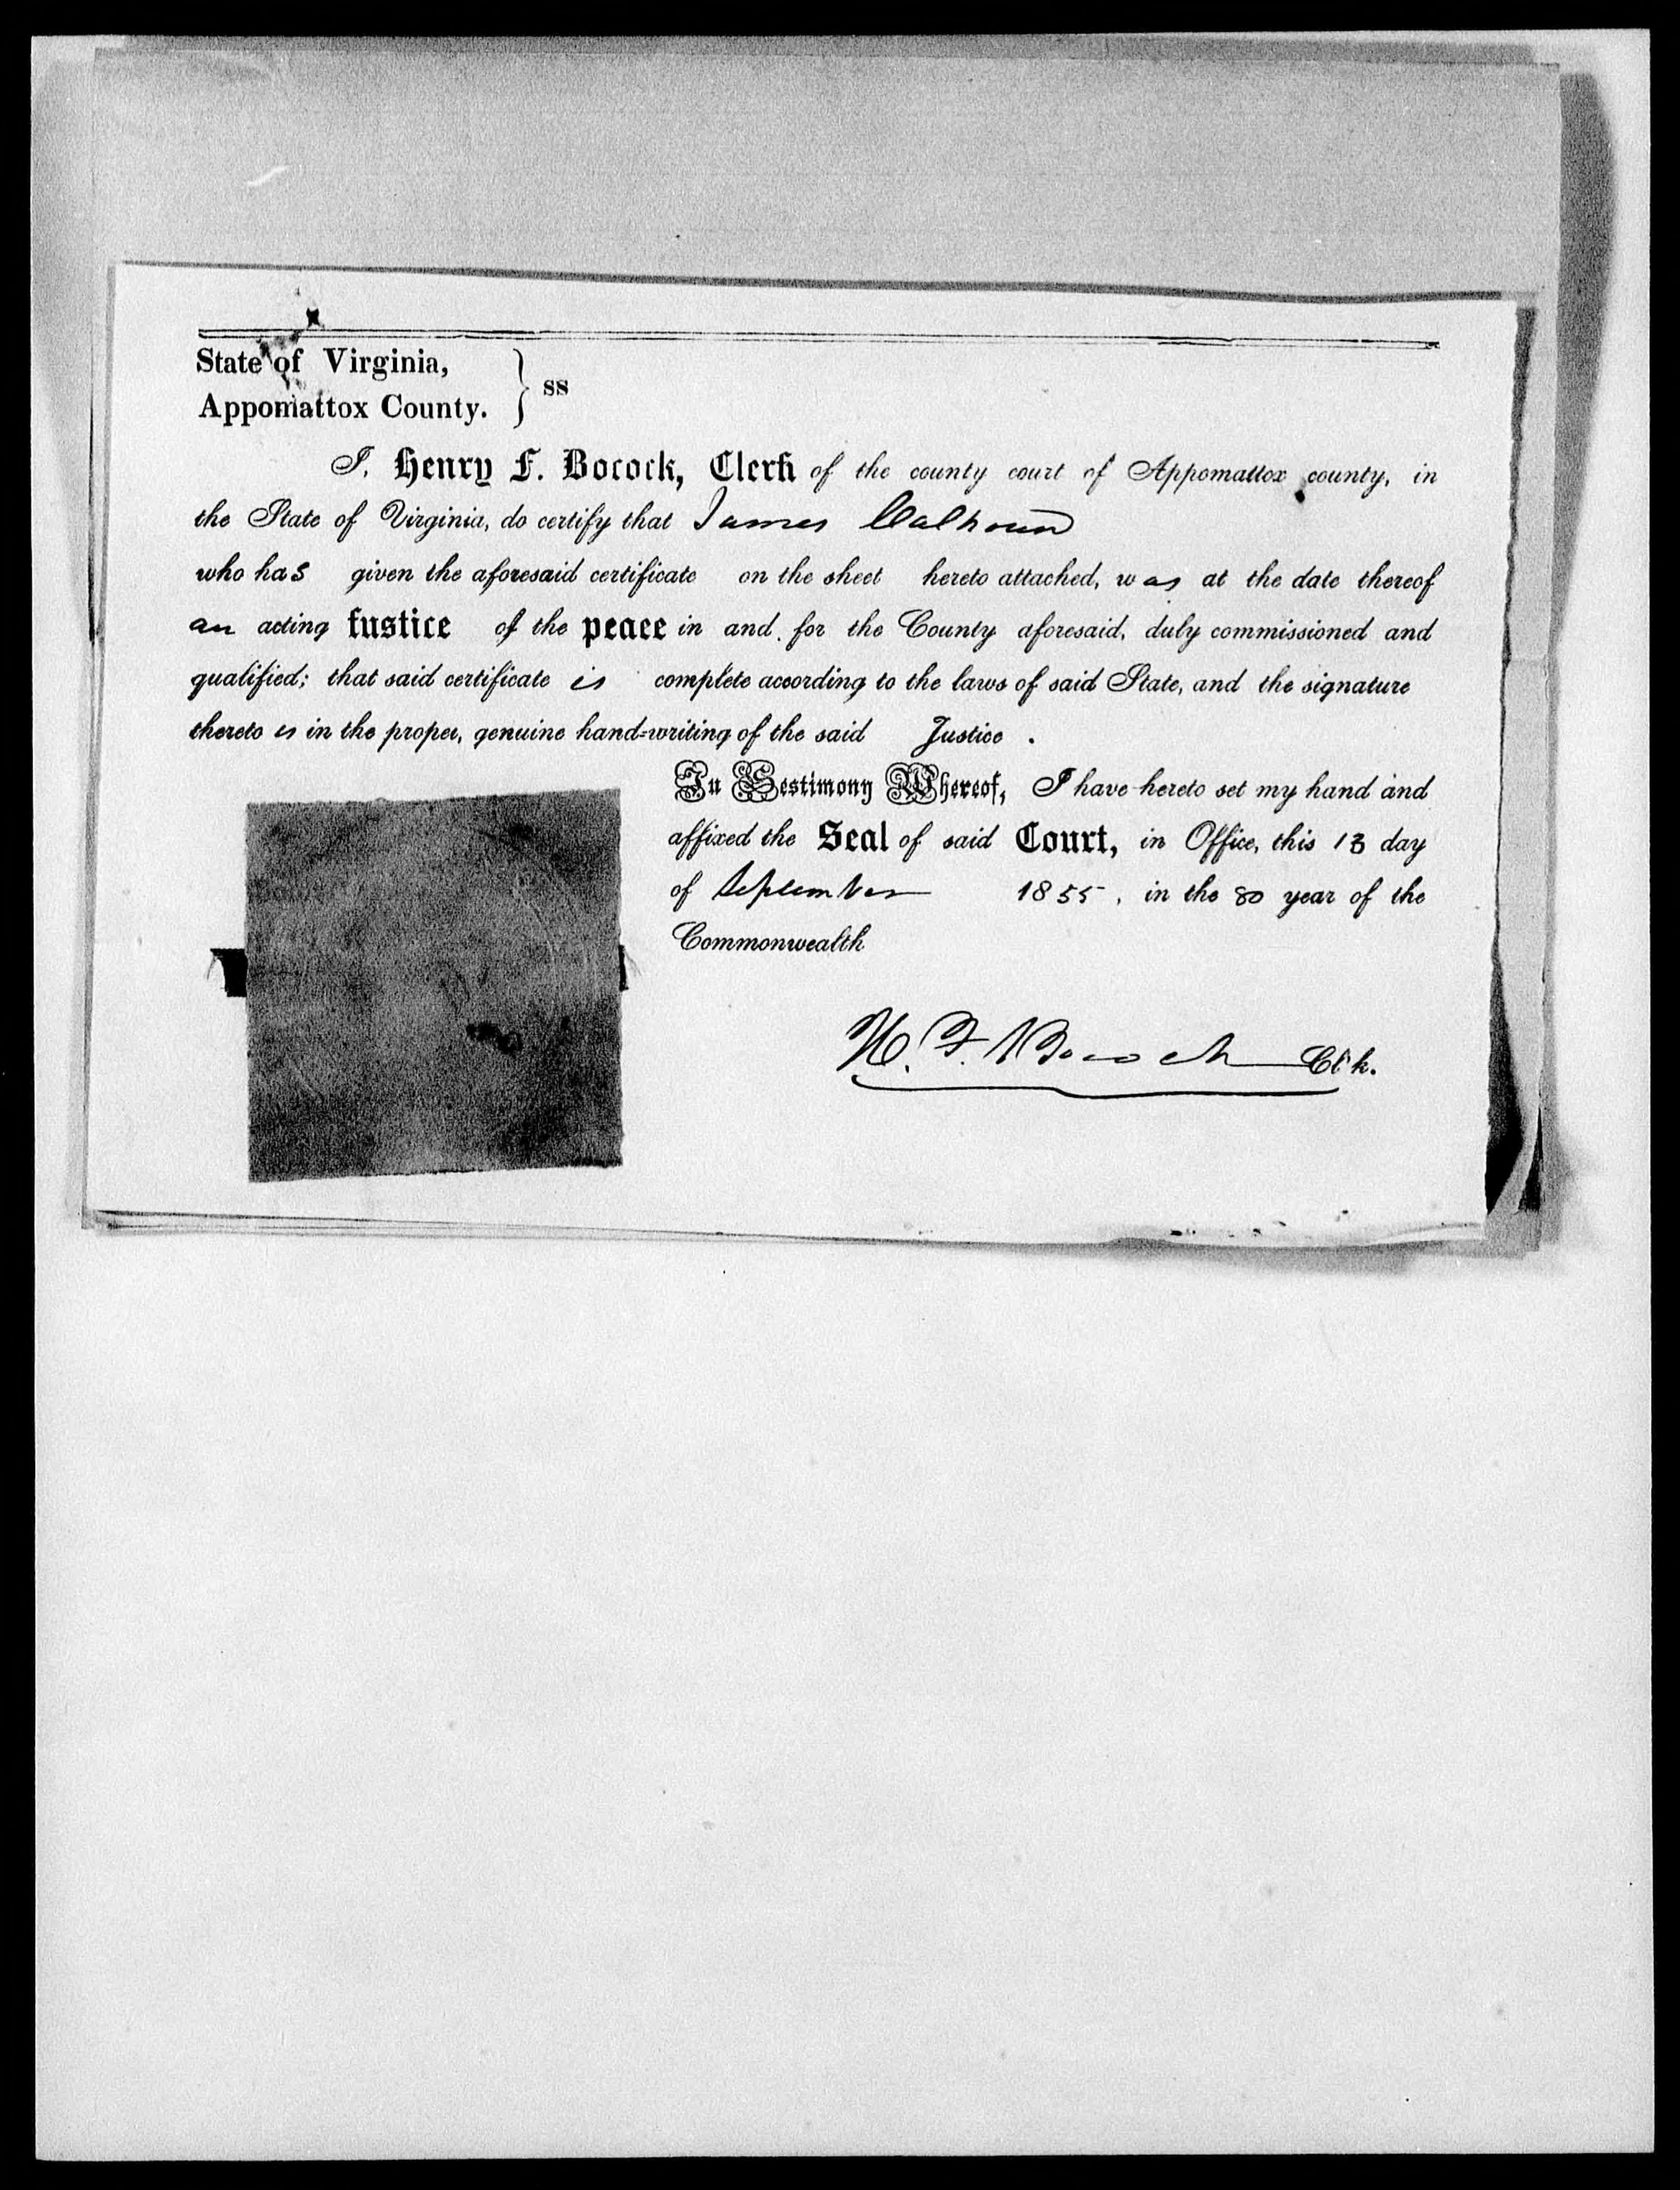State of Virginia,
| } SS
Appomattox County.
I, Henry F. Bocock, Clerk of the county court of Appomattox county, in
the State of Virginia, do certify that James Calhoun
who has given the aforesaid certificate on the sheet hereto attached, was at the date thereof
an acting justice of the peace in and for the County aforesaid, duly commissioned and
qualified; that said certificate is complete according to the laws of said State, and the signature
thereto is in the proper, genuine hand-writing of the said Justice.
In Testimony Whereof, I have hereto set my hand and
affixed the Seal of said Court, in Office, this 13 day
of September 1855, in the 80 year of the
Commonwealth
N.F. Bococh Clk.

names: N F Boroch; James Calhoun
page: 37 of 50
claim: widow's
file: W. 1929, for Lloyd Portwood, Virginia